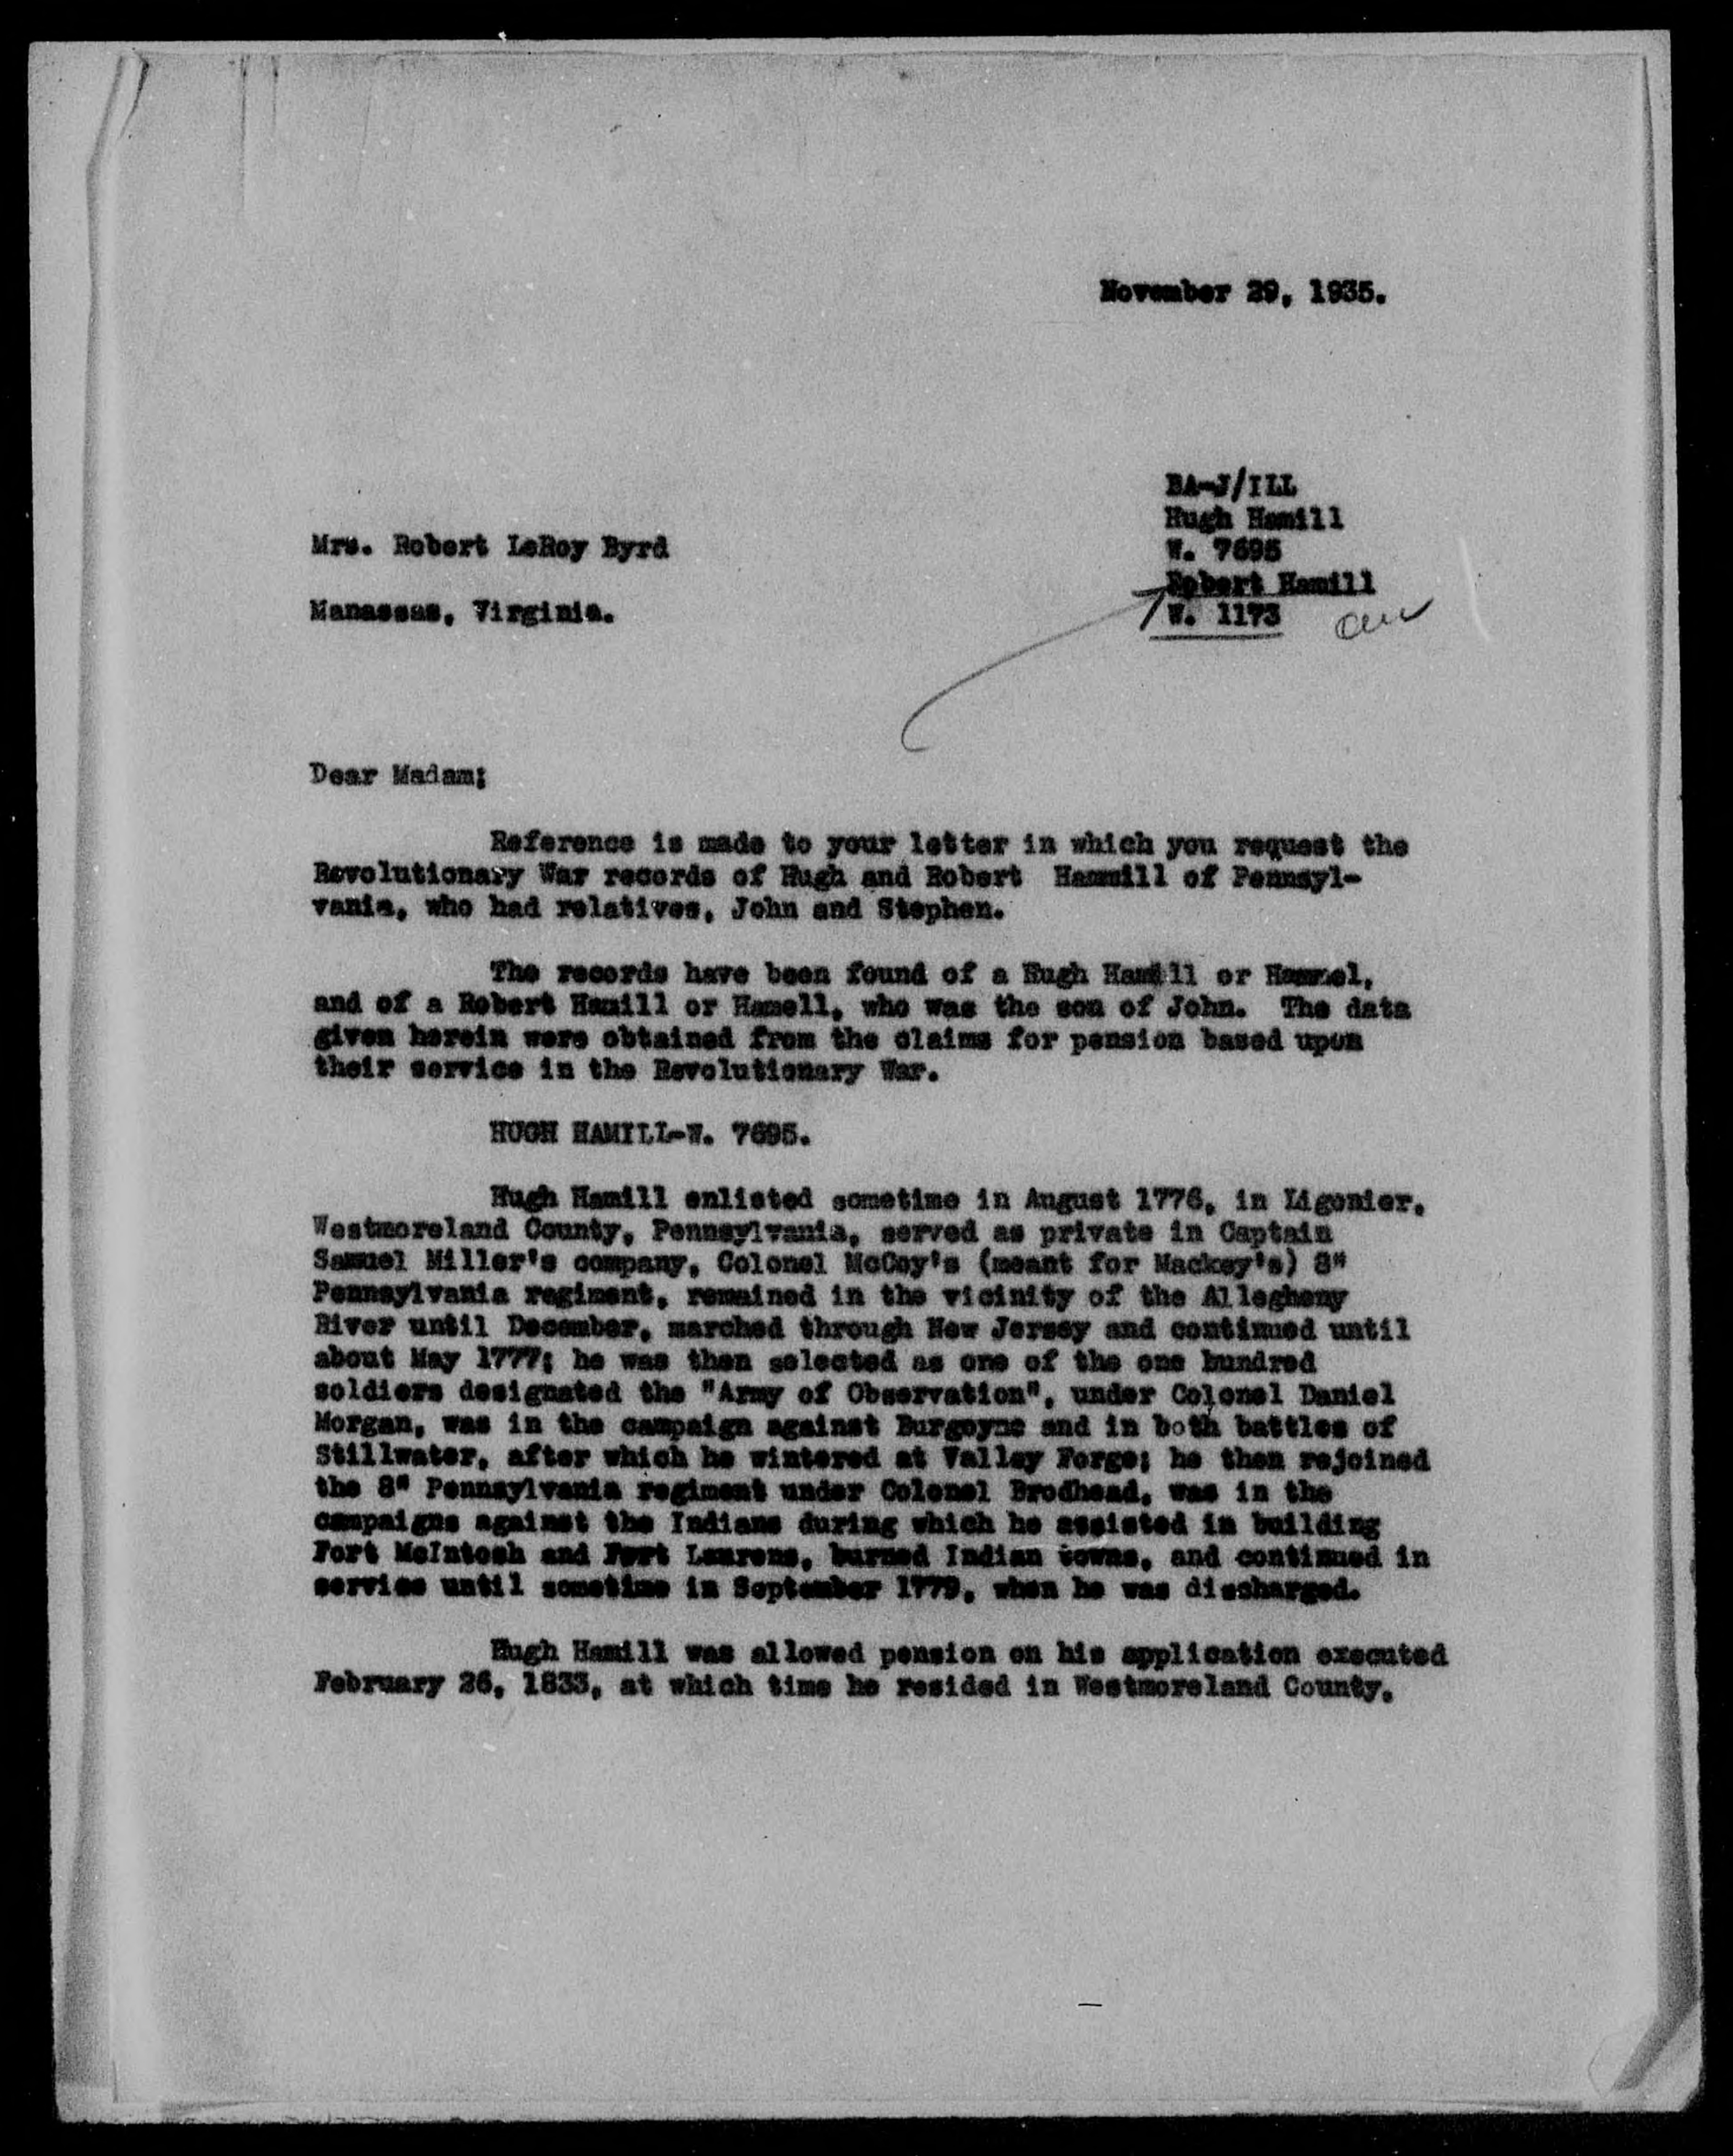November 20, 1935.

RS-J/ILL
Hugh Hamill
W.7695
Robert Hamill
W. 1173    [initials]

Mrs. Robert LeRoy Byrd
Manassas, Virginia

Dear Madam:

Reference is made to your letter in which you request the Revolutionary War records of Hugh and Robert Hammill of Pennsylvania, who had relatives, John and Stephen.
The records have been found of a Hugh Hamill or Hammel, and of a Robert Hamill or Hamell, who was the son of John. The data given herein were obtained from the claims for pension based upon their service in the Revolutionary War.
Hugh Hamill-W. 7695.
Hugh Hamill enlisted sometime in August 1776, in Ligonier, Westmore County, Pennsylvania, served as private in Captain Samuel Miller's company, Colonel McCay's (meant for Mackay's) 8th Pennsylvania regiment, remained in the vicinity of the Allegheny River until December, marched through New Jersey and continued until about May 1777; he was then selected as one of the one hundred soldiers designation the "Army of Observation", under Colonel Daniel Morgan, was in the campaign and Burgoyne in both battles of Stillwater, after which he wintered at Valley Forge; he then rejoined the 8th Pennsylvania regiment under Colonel Brodhead, was in the campaign against the Indians during which he assisted in building Fort McIntosh and Fort Laurens, burned Indian towns, and continued in service until sometime in September 1779, when he was discharged.
Hugh Hamill was allowed pension on his application executed February 26, 1833, at which time he resided  in Westmoreland County.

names: Robert Hamell, John, Stephen, Burgoyne, Hugh Hamill, Hugh Hamill, Robert Le Roy Byrd, Hugh Hamill, Robert Hamill, Daniel Morgan, Hugh Hamel, Hugh Hamill, Robert Hammill, Hugh Hamill, John, Hugh Hammill, Robert Hamill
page: 39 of 92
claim: widow's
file: W 1173, Robert Hamill, Penn.